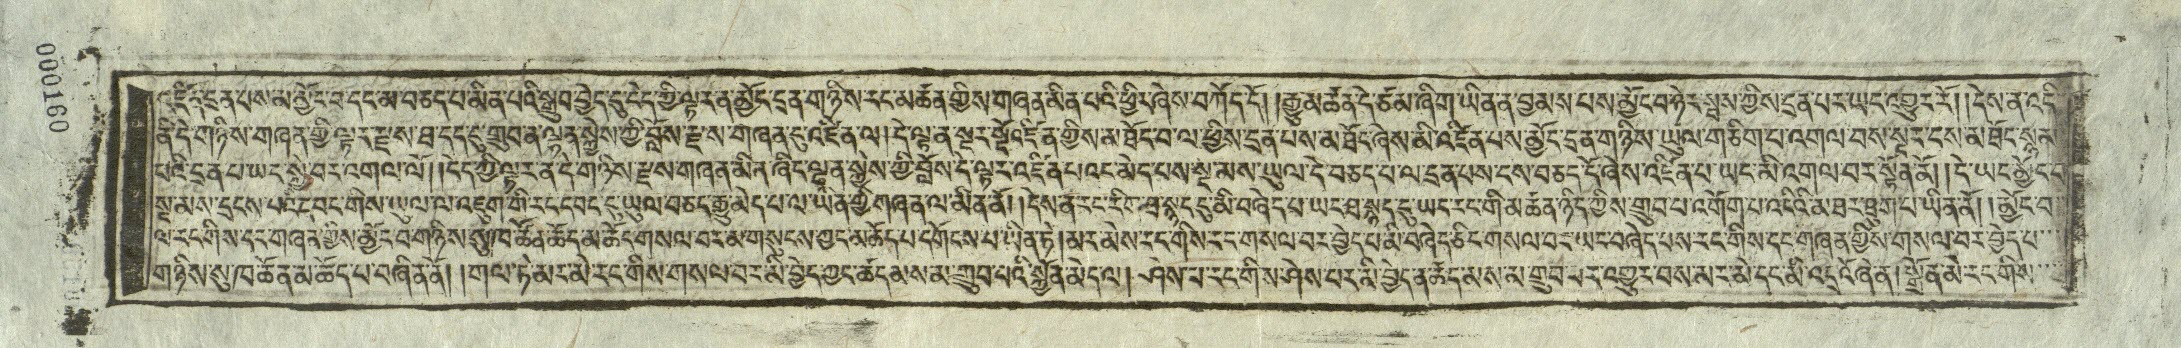འཛིན་དྲན་པས་མ་མྱོང་བ་དང་མ་བཅད་པ་མིན་པའི་སྒྲུབ་བྱེད་དུ་ངེད་ཀྱི་ལྟར་ན་མྱོང་དྲན་གཉིས་རང་མཚན་གྱིས་གཞན་མིན་པའི་ཕྱིར་ཞེས་བཀོད་དོ། །རྒྱུ་མཚན་དེ་ཙམ་ཞིག་ཡིན་ན་བྱམས་པས་མྱོང་བ་ཉེར་སྦས་ཀྱིས་དྲན་པར་ཡང་འགྱུར་རོ། །དེས་ན་འདི་
ནི་དེ་གཉིས་གཞན་གྱི་ལྟར་རྫས་ཐ་དད་དུ་གྲུབ་ན་ལྷན་སྐྱེས་ཀྱི་བློས་རྫས་གཞན་དུ་འཛིན་ལ། དེ་ལྟ་ན་སྔར་སྔོ་འཛིན་གྱིས་མཐོང་བ་ལ་ཕྱིས་དྲན་པས་མཐོང་ཞེས་མི་འཛིན་པས་མྱོང་དྲན་གཉིས་ཡུལ་གཅིག་པ་འགལ་བས་སྔར་ངས་མཐོང་སྙམ་
པའི་དྲན་པ་ཡང་སྐྱེ་བར་འགལ་ལོ། །ངེད་ཀྱི་ལྟར་ན་དེ་གཉིས་རྫས་གཞན་མིན་ཞིང་ལྷན་སྐྱེས་ཀྱི་བློས་དེ་ལྟར་འཛིན་བའང་མེད་པས་སྔ་མས་ཡུལ་དེ་བཅད་པ་ལ་དྲན་པས་ངས་བཅད་ངོ་ཞེས་འཛིན་པ་ཡང་མི་འགལ་བར་སྟོན་ནོ། །དེ་ཡང་མྱོང་བ་
སྔ་མས་དྲངས་བའི་དབང་གིས་ཡུལ་ལ་འཇུག་གི་རང་དབང་དུ་ཡུལ་བཅད་རྒྱུ་མེད་པ་ལ་ཡིན་གྱི་གཞན་ལ་མིན་ནོ། །དེས་ན་རང་རིག་ཐ་སྙད་དུ་མི་བཞེད་པ་ཡང་ཐ་སྙད་དུ་ཡང་རང་གི་མཚན་ཉིད་ཀྱིས་གྲུབ་པ་འགོག་བ་འདིའི་མཐར་ཐུག་པ་ཡིན་ནོ། །མྱོང་བ་
ལ་རང་གིས་དང་གཞན་གྱིས་མྱོང་བ་གཉིས་སུ་ཁ་ཆོན་?་ཆོད་མ་ཆོད་གསལ་བར་མ་གསུངས་ཀྱང་མཆོད་པ་དགོངས་པ་ཡིན་ཏེ། མར་མེས་རང་གིས་རང་གསལ་བར་བྱེད་པ་མི་བཞེད་ཅིང་གསལ་བར་ཡང་བཞེད་པས་རང་གིས་དང་གཞན་གྱིས་གསལ་བར་བྱེད་པ་
གཉིས་སུ་ཁ་ཆོན་མ་ཆོད་པ་བཞིན་ནོ། །གལ་ཏེ་མར་མེ་རང་གིས་གསལ་བར་མི་བྱེད་ཀྱང་ཚད་མས་མ་གྲུབ་པའི་སྐྱོན་མེད་ལ། ཤེས་པ་རང་གིས་ཤེས་པར་མི་བྱེད་ན་ཚད་མས་མ་གྲུབ་པར་འགྱུར་བས་མར་མེ་དང་མི་འདྲའོ་ཞེ་ན། སྒྲོན་མེ་རང་གིས་